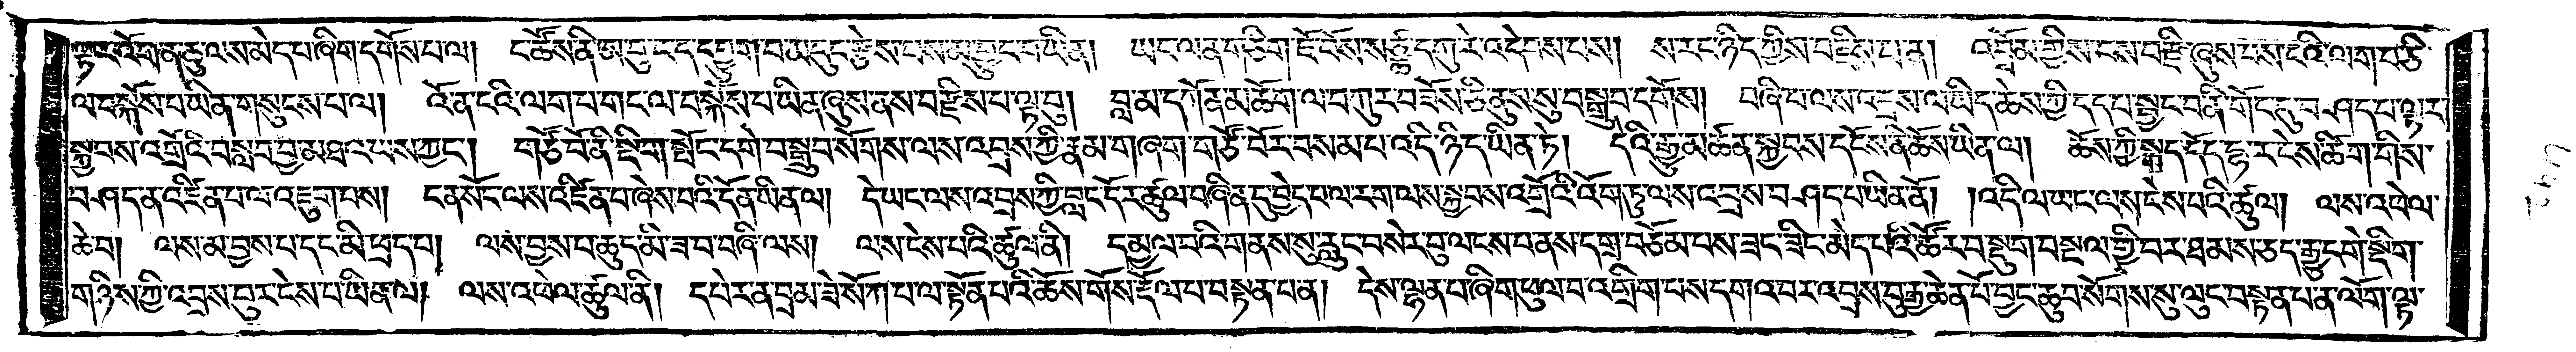ལྟར་འོག་ན་ཆུ་ལས་མེད་པ་ཞིག་དགོས་པ་ལ། ང་ཚོས་ནི་ཨ་བུང་ད་དབྱུག་པ་མདུང་རྩེས་པས་མ་བྱུང་བ་ཡིན། ཡང་ལན་གཅིག་ཇོ་བོས་སཙྪ་དགུ་རེ་འདེབས་པས། ས་རང་ཉིད་ཀྱིས་བརྗིས་པ་ན། འབྲོམ་གྱིས་ངས་བརྫི་ཞུས་པས་ངའི་ལག་བཅི་
ལ་བསྐོས་པ་ཡིན་གསུངས་པ་ལ། འོན་ངའི་ལག་པ་གང་ལ་བསྐོས་པ་ཡིན་ཞུས་ནས་བརྫིས་པ་ལྟ་བུ། བླ་མ་དཀོན་མཆོག་ལ་བཀུར་བཟོས་ཅི་ནུས་སུ་བསྒྲུབ་དགོས། བཞི་པ་ལས་འབྲས་ལ་ཡིད་ཆེས་ཀྱི་དད་པ་སྦྱང་བ་ནི་གོང་དུ་བཤད་པ་ལྟར་
སྐྱབས་འགྲོའི་བསླབ་བྱ་མཐའ་ཡས་ཀྱང་། གཙོ་བོ་ནི་སྡིག་སྤོང་དགེ་བསྒྲུབ་སོགས་ལས་འབྲས་ཀྱི་རྣམ་གཞག་གཙོ་བོར་བསམ་པ་འདི་ཉིད་ཡིན་ཏེ། དེའི་རྒྱུ་མཚན་སྐྱབས་དངོས་ནི་ཆོས་ཡིན་ལ། ཆོས་ཀྱི་སྐད་དོད་དྷ་ར་ངེས་ཚིག་གིས་
བཤད་ན་འཛིན་པ་ལ་འཇུག་པས། ངན་སོང་ལས་འཛིན་པ་ཞེས་པའི་དོན་ཡིན་ལ། དེ་ཡང་ལས་འབྲས་ཀྱི་བླང་དོར་ཚུལ་བཞིན་དུ་བྱེད་པ་ལ་རག་ལས་སྐྱབས་འགྲོའི་འོག་ཏུ་ལས་འབྲས་བཤད་པ་ཡིན་ནོ། །ཆོས་ཀྱི་སྐད་དོད་དྷ་ར་ངེས་ཚིག་གིས་
ཆེ་བ། ལས་མ་བྱས་བ་དང་མི་ཕྲད་བ། ལས་བྱས་པ་ཆུད་མི་ཟ་བ་བཞི་ལས། ལས་ངེས་པའི་ཚུལ་ནི། དམྱུལ་བའི་གནས་སུ་རླུང་བསྲེ་བུ་ལངས་པ་ནས་དགྲ་བཅོམ་པས་ཟང་ཟིང་མེད་པའི་ཚོར་བསྡུལ་བསྔལ་གྱི་བར་ཐམས་ཅད་རྒྱུ་དགེ་སྡིག་
གཉིས་ཀྱི་འབྲས་བུ་ངེས་པ་ཡིན་ལ། ལས་འཕེལ་ཚུལ་ནི། དཔེར་ན་བྲམ་ཟེ་སོ་ཀ་པ་ལ་སྟོན་པའི་ཆོས་གོས་རྡོལ་པ་བསྟན་པ་ན། དེས་ལྷན་བ་ཞིག་ཕུལ་བ་འགྲིག་པས་དགའ་བར་འབྲས་བུ་རྒྱ་ཆེན་པོ་བྱང་ཆུབ་སོགས་སུ་ལུང་བསྟན་པ་ན་ལོག་ལྟ་